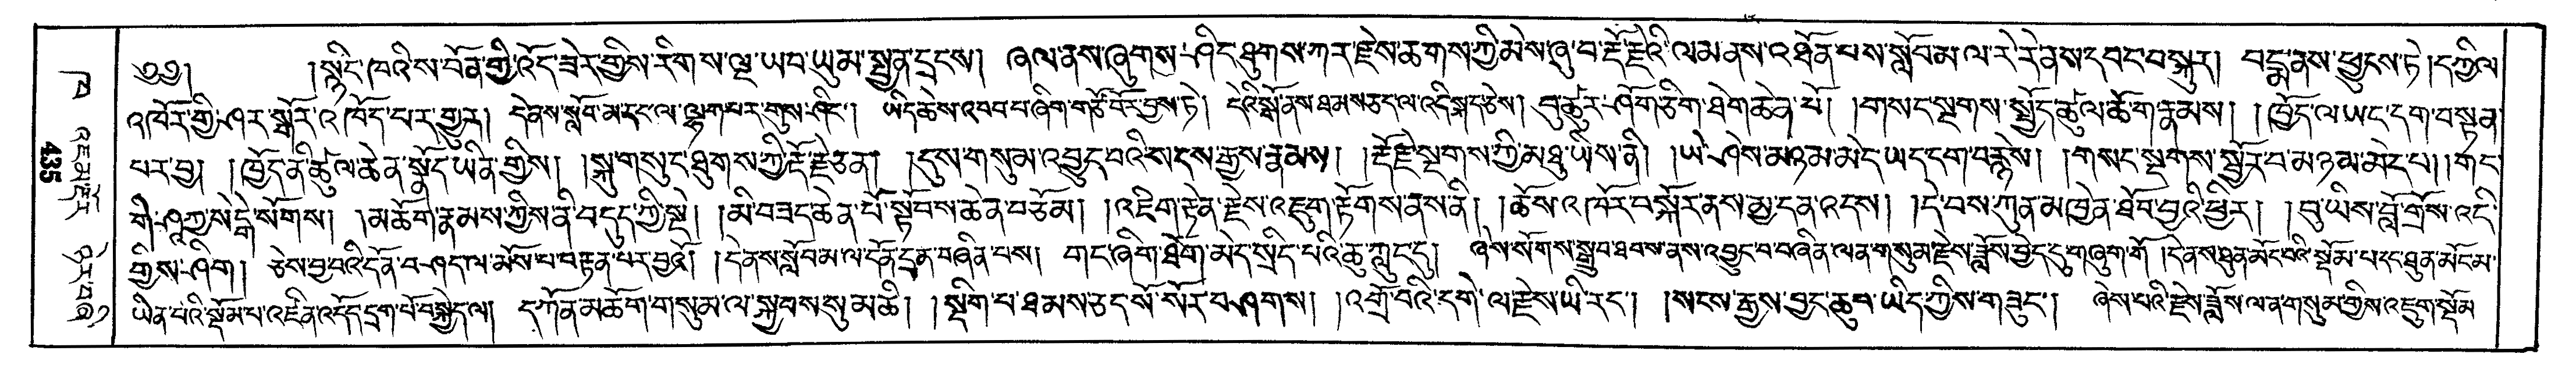༄༅། །སྙིང་ཁའི་ས་བོན་གྱི་འོད་ཟེར་གྱིས་རིགས་ལྔ་ཡབ་ཡུམ་སྤྱན་དྲངས། ཞལ་ནས་ཞུགས་ཤིང་ཐུགས་ཀར་རྗེས་ཆགས་ཀྱི་མེས་ཞུ་བ་རྡོ་རྗེའི་ལམ་ནས་འཐོན་པས་སློབ་མ་ལ་རེ་རེ་ནས་དབང་བསྐུར། པདམ་ནས་ཕྱུངས་ཏེ། དཀྱིལ་
འཁོར་གྱི་ཤར་སྒོར་འཁོད་པར་གྱུར། དེ་ནས་སློབ་མ་རང་ལ་ལྷག་པར་གུས་ཤིང་། ཡིད་ཆེས་འབབ་པ་ཞིག་གཙོ་བོར་བྱས་ཏེ། དེའི་སྒོ་ནས་ཐམས་ཅད་ལ་འདི་སྐད་ཅེས། བུ་ཚུར་ཤོག་ཅིག་ཐེག་ཆེན་པོ། །གསང་སྔགས་སྤྱོད་ཚུལ་ཆོ་ག་རྣམས། །ཁྱོད་ལ་ཡང་དག་བསྟན་
པར་བྱ། །ཁྱོད་ནི་ཚུལ་ཆེན་སྣོད་ཡིན་གྱིས། །སྐུ་གསུང་ཐུགས་ཀྱི་རྡོ་རྗེ་ཅན། །དུས་གསུམ་འབྱུང་བའི་སངས་རྒྱས་རྣམས། །རྡོ་རྗེ་སྔགས་ཀྱི་མཐུ་ཡིས་ནི། །ཡེ་ཤེས་མཉམ་མེད་ཡང་དག་བརྙེས། །གསང་སྔགས་སྦྱོར་བ་མཉམ་མེད་པ། །གང་
གི་ཤཱཀྱ་སེངྒེ་སོགས། །མཆོག་རྣམས་ཀྱིས་ནི་བདུད་ཀྱི་སྡེ། །མི་བཟད་ཆེན་པོ་སྟོབས་ཆེན་བཅོམ། །འཇིག་རྟེན་རྗེས་འཇུག་རྟོགས་ནས་ནི། །ཆོས་འཁོར་བསྐོར་ནས་མྱ་ངན་ན་འདས། །དེ་བས་ཀུན་མཁྱེན་ཐོབ་བྱའི་ཕྱིར། །བུ་ཡིས་བློ་གྲོས་འདི་
གྱིས་ཤིག། ཅེས་བྱ་བའི་དོན་བཤད་ལ་མོས་པ་བརྟེན་པར་བྱའོ། །དེ་ནས་སློབ་མ་ལ་དོན་དྲན་བཞིན་པས། གང་ཞིག་ཐོག་མེད་སྲིད་པའི་ཆུ་ཀླུང་དུ། ཞེས་སོགས་སྒྲུབ་ཐབས་ནས་འབྱུང་བ་བཞིན་ལན་གསུམ་རྗེས་ཟློས་བྱེད་དུ་གཞུག་གོ །དེ་ནས་ཐུན་མོང་བའི་སྡོམ་པ་དང་ཐུན་མོང་མ་
ཡིན་པའི་སྡོམ་པ་འཛིན་འདོད་དྲག་པོ་བསྐྱེད་ལ། དཀོན་མཆོག་གསུམ་ལ་སྐྱབས་སུ་མཆི། །སྡིག་པ་ཐམས་ཅད་སོ་སོར་བཤགས། །འགྲོ་བའི་དགེ་ལ་རྗེས་ཡི་རང་། །སངས་རྒྱས་བྱང་ཆུབ་ཡིད་ཀྱིས་གཟུང་། ཞེས་པའི་རྗེས་ཟློས་ལན་གསུམ་གྱིས་འཇུག་སྡོམ་